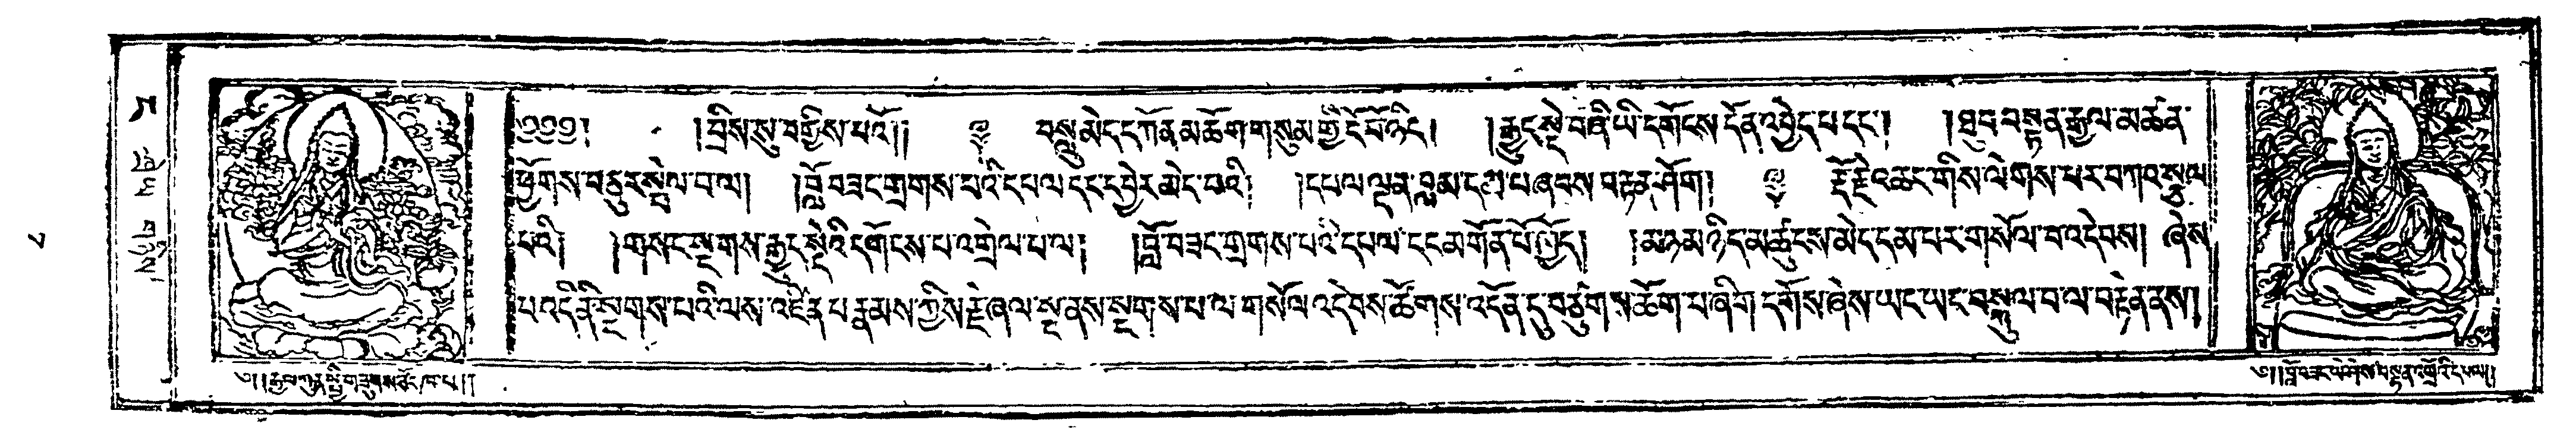༄༅། །བྲིས་སུ་བགྱིས་པའོ།། ༈ བསླུ་མེད་དཀོན་མཆོག་གསུམ་གྱི་ངོ་བོ་ཉིད། །རྒྱུད་སྡེ་བཞི་ཡི་དགོངས་དོན་འབྱེད་པ་དང་། །ཐུབ་བསྟན་རྒྱལ་མཚན་
ཕྱོགས་བཅུར་སྤེལ་བ་ལ། །བློ་བཟང་གྲགས་པའི་དཔལ་དང་དབྱེར་མེད་པའི། །དཔལ་ལྡན་བླ་མ་དམ་པ་ཞབས་བརྟན་ཤོག། ༈ རྡོ་རྗེ་འཆང་གིས་ལེགས་པར་བཀའ་སྩལ་
པའི། །གསང་སྔགས་རྒྱུད་སྡེའི་དགོངས་པ་འགྲེལ་པ་ལ། །བློ་བཟང་གྲགས་པའི་དཔལ་དང་མགོན་པོ་ཁྱོད། །མཉམ་ཉིད་མཚུངས་མེད་དམ་པར་གསོལ་བ་འདེབས། ཞེས་
པ་འདི་ནི་སྔགས་པའི་ལས་འཛིན་པ་རྣམས་ཀྱིས་རྗེ་ཞལ་སྔ་ནས་སྔགས་པ་ལ་གསོལ་འདེབས་ཚོགས་འདོན་དུ་བཙུགས་ཆོག་པ་ཞིག་དགོས་ཞེས་ཡང་ཡང་བསྐུལ་བ་ལ་བརྟེན་ནས།
༄༅། །རྒྱལ་ཀུན་སྤྱི་གཟུགས་ཙོང་ཁ་པ།། ༄༅། །བློ་བཟང་ཡེ་ཤེས་བསྟན་འགྲོའི་དཔལ།།